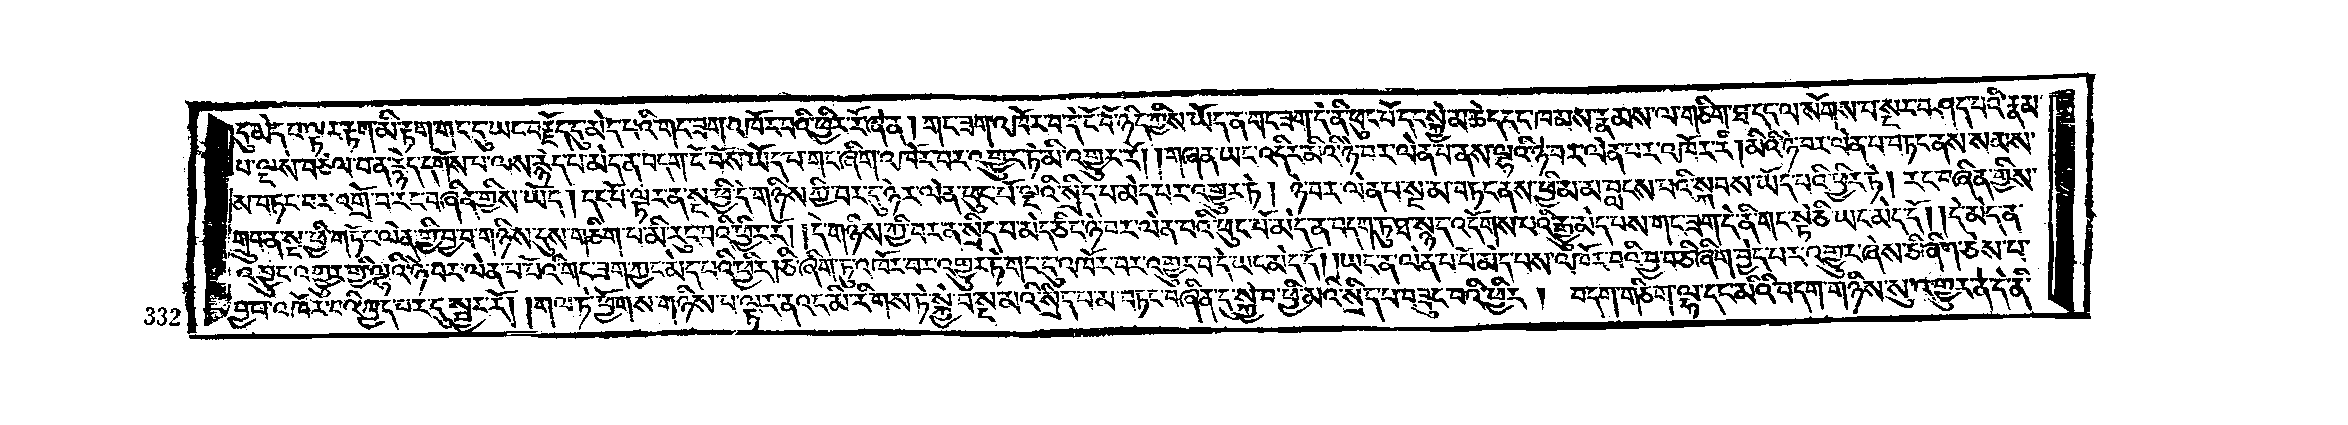དུ་མེད་པ་ལྟར་རྟག་མི་རྟག་གང་དུ་ཡང་བརྗོད་དུ་མེད་པའི་གང་ཟག་འཁོར་བའི་ཕྱིར་རོ་ཞེ་ན། གང་ཟག་འཁོར་བ་དེ་ངོ་བོ་ཉིད་ཀྱིས་ཡོད་ན་གང་ཟག་དེ་ནི་ཕུང་པོ་དང་སྐྱེ་མཆེད་དང་ཁམས་རྣམས་ལ་གཅིག་ཐ་དད་ལ་སོགས་པ་སྔར་བཤད་པའི་རྣམ་
པ་ལྔས་བཙལ་བ་ན་རྙེད་དགོས་པ་ལས་རྙེད་པ་མེད་ན་བདག་པོ་པོས་ཡོད་པ་གང་ཞིག་འཁོར་བར་འགྱུར་ཏེ་མི་འགྱུར་རོ། །གཞན་ཡང་འདིར་མིའི་ཉེ་བར་ལེན་པ་ནས་ལྷའི་ཉེ་བར་ལེན་པར་འཁོར་རཾ། མིའི་ཉེ་བར་ལེན་པ་བཏང་ནས་སེམས་
མ་བཏང་བར་འགྲོ་བ་རང་བཞིན་གྱིས་ཡོད། དང་པོ་ལྟར་ན་སྔ་ཕྱི་དེ་གཉིས་ཀྱི་བར་དུ་ཉེར་ལེན་ཕུང་པོ་ལྔའི་སྲིད་པ་མེད་པར་འགྱུར་ཏེ། ཉེ་བར་ལེན་པ་སྔ་མ་བཏང་ནས་ཕྱི་མ་མ་བླངས་པའི་སྐབས་ཡོད་པའི་ཕྱིར་ཏེ། རང་བཞིན་གྱིས་
གྲུབ་ན་སྔ་ཕྱི་གཏོང་ལེན་གྱི་བྱ་བ་གཉིས་དུས་གཅིག་པ་མི་རུང་བའི་ཕྱིར་རོ། །ད་གཉིས་ཀྱི་བར་ན་སྲིད་པ་མེད་ཅིང་ཉེ་བར་ལེན་པའི་ཕུང་པོ་མེད་ན་བདག་ཏུ་ཐ་སྙད་འདོགས་པའི་རྒྱུ་མེད་པས་གང་ཟག་དེ་ནི་གང་སྟེ་ཅི་ཡང་མེད་དོ། །དེ་མེད་ན་
འབྱུང་འགྱུར་གྱི་ལྷའི་ཉེ་བར་ལེན་པ་པོའི་གང་ཟག་ཀྱང་མེད་པའི་ཕྱིར། ཅི་ཞིག་ཏུ་འཁོར་བར་འགྱུར་ཏེ་གང་དུ་འཁོར་བར་འགྱུར་བ་དེ་ཡང་མེད་དོ། །ཡང་ན་ལེན་པ་པོ་མེད་པས་འཁོར་བའི་བྱ་བ་ཅི་ཞིག་བྱེད་པར་འགྱུར་ཞེས་ཅི་ཞིག་ཅེས་པ་
བྱ་བ་འཁོར་བའི་ཁྱད་པར་དུ་སྦྱར་རོ། །གལ་ཏེ་ཕྱོགས་གཉིས་པ་ལྟར་ནའང་མི་རིགས་ཏེ་སྐྱེ་བ་སྔ་མའི་སྲིད་པ་མ་བཏང་བཞིན་དུ་སྐྱེ་བ་ཕྱི་མའི་སྲིད་པ་བཟུང་པའི་ཕྱིར། བདག་གཅིག་ལྷ་དང་མིའི་བདག་གཉིས་སུ་འགྱུར་ན་དེ་ནི་